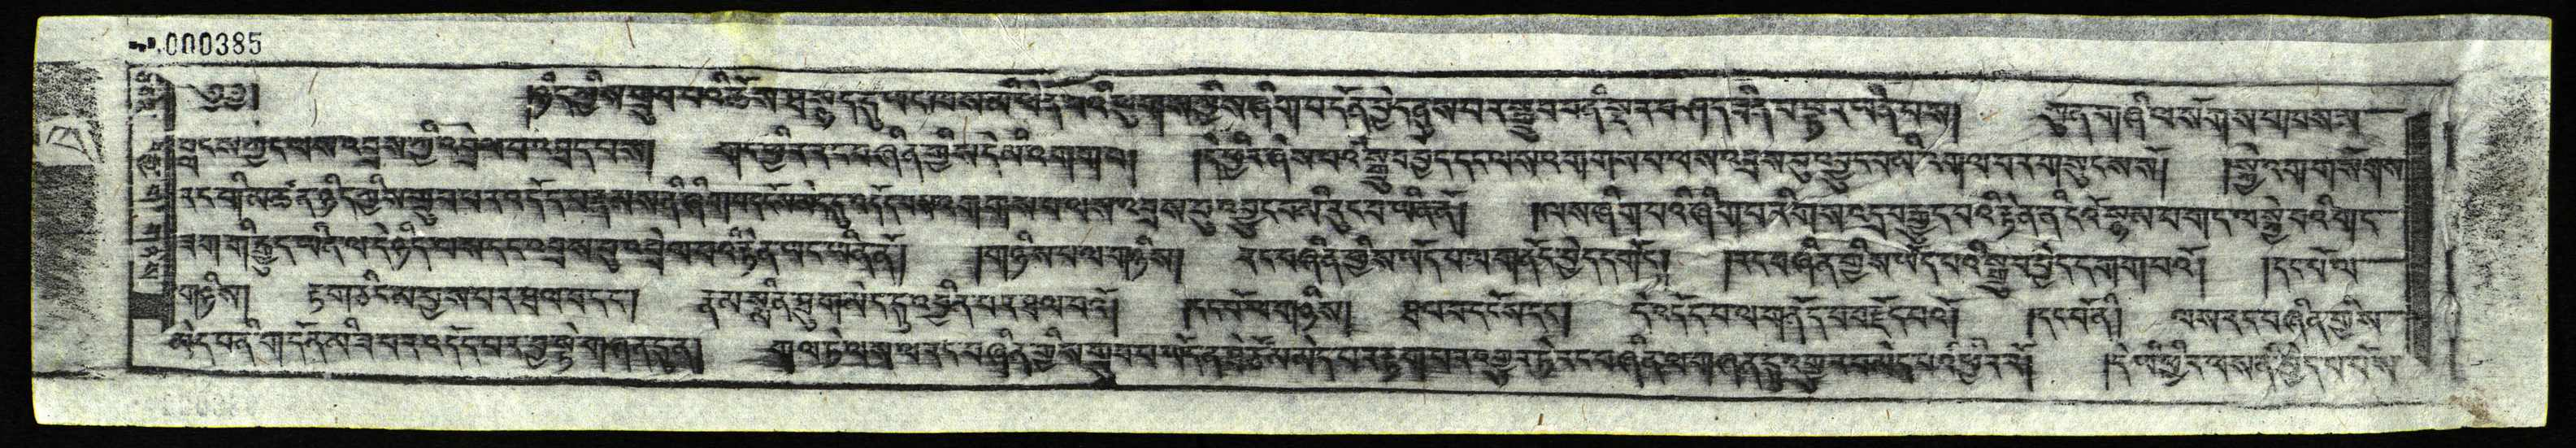༄༅། །ཉིད་ཀྱིས་གྲུབ་པའི་ཆོས་ཐ་སྙད་དུ་ཡང་ཁས་མི་ལེན་པའི་ལུགས་ཀྱིས་ཞིག་པ་དོན་བྱེད་ནུས་པར་སྒྲུབ་པ་ནི་སྔར་བཤད་ཟིན་པ་ལྟར་ཡིན་པས། ཀུན་གཞི་ལ་སོགས་པ་ཁས་མ་
བླངས་ཀྱང་ལས་འབྲས་ཀྱི་འབྲེལ་བ་འབྲད་པས། གང་ཕྱིར་རང་བཞིན་གྱིས་དེ་མི་འགག་པ། །དེ་ཕྱིར་ཞེས་པའི་སྒྲུབ་བྱེད་དང་ལས་འགགས་པ་ལས་འབྲས་བུ་འབྱུང་བ་མི་འགལ་བར་གསུངས་སོ། །སྐྱེ་འགག་སོགས་
རང་གི་མཚན་ཉིད་ཀྱིས་གྲུབ་པར་འདོད་པ་རྣམས་ནི་ཞིག་པ་དངོས་མེད་དུ་འདོད་པས་འགགས་པ་ལས་འབྲས་བུ་འབྱུང་བ་མི་རུང་བ་ཡིན་ནོ། །ལས་ཞིག་པའི་ཞིག་པ་རིགས་འདྲ་བ་རྒྱུད་པའི་རྟེན་ནི་ངའོ་སྙམ་པ་གང་ལ་སྐྱེ་བའི་གང་
ཟག་གི་རྒྱུད་ཡིན་ལ་དེ་ཉིད་ལས་དང་འབྲས་བུ་འབྲེལ་བའི་རྟེན་ཡང་ཡིན་ནོ། །གཉིས་པ་ལ་གཉིས། རང་བཞིན་གྱིས་ཡོད་པ་ལ་གནོད་བྱེད་དགོད། །རང་བཞིན་གྱིས་ཡོད་པའི་སྒྲུབ་བྱེད་དགག་པའོ། །དང་པོ་ལ་
གཉིས། རྟག་ཅིང་མ་བྱས་པར་ཐལ་བ་དང་། རྣམ་སྨིན་ཐུག་མེད་དུ་འབྱིན་པར་ཐལ་བའོ། །དང་པོ་ལ་གཉིས། ཐལ་བ་དངོས་དང་། དེ་འདོད་པ་ལ་གནོད་པ་བརྗོད་པའོ། །དང་པོ་ནི། ལས་རང་བཞིན་གྱིས་
མེད་པ་ནི་གདོན་མི་ཟ་བར་འདོད་པར་བྱ་སྟེ་གཞན་དུ་ན། གལ་ཏེ་ལས་ལ་རང་བཞིན་གྱིས་གྲུབ་པ་ཡོད་ན་ཐེ་ཚོམ་མེད་པར་རྟག་པར་འགྱུར་ཏེ་རང་བཞིན་ལ་གཞན་དུ་འགྱུར་བ་མེད་པའི་ཕྱིར་རོ། །དེ་ཡི་ཕྱིར་ལས་ནི་བྱེད་པ་པོས་